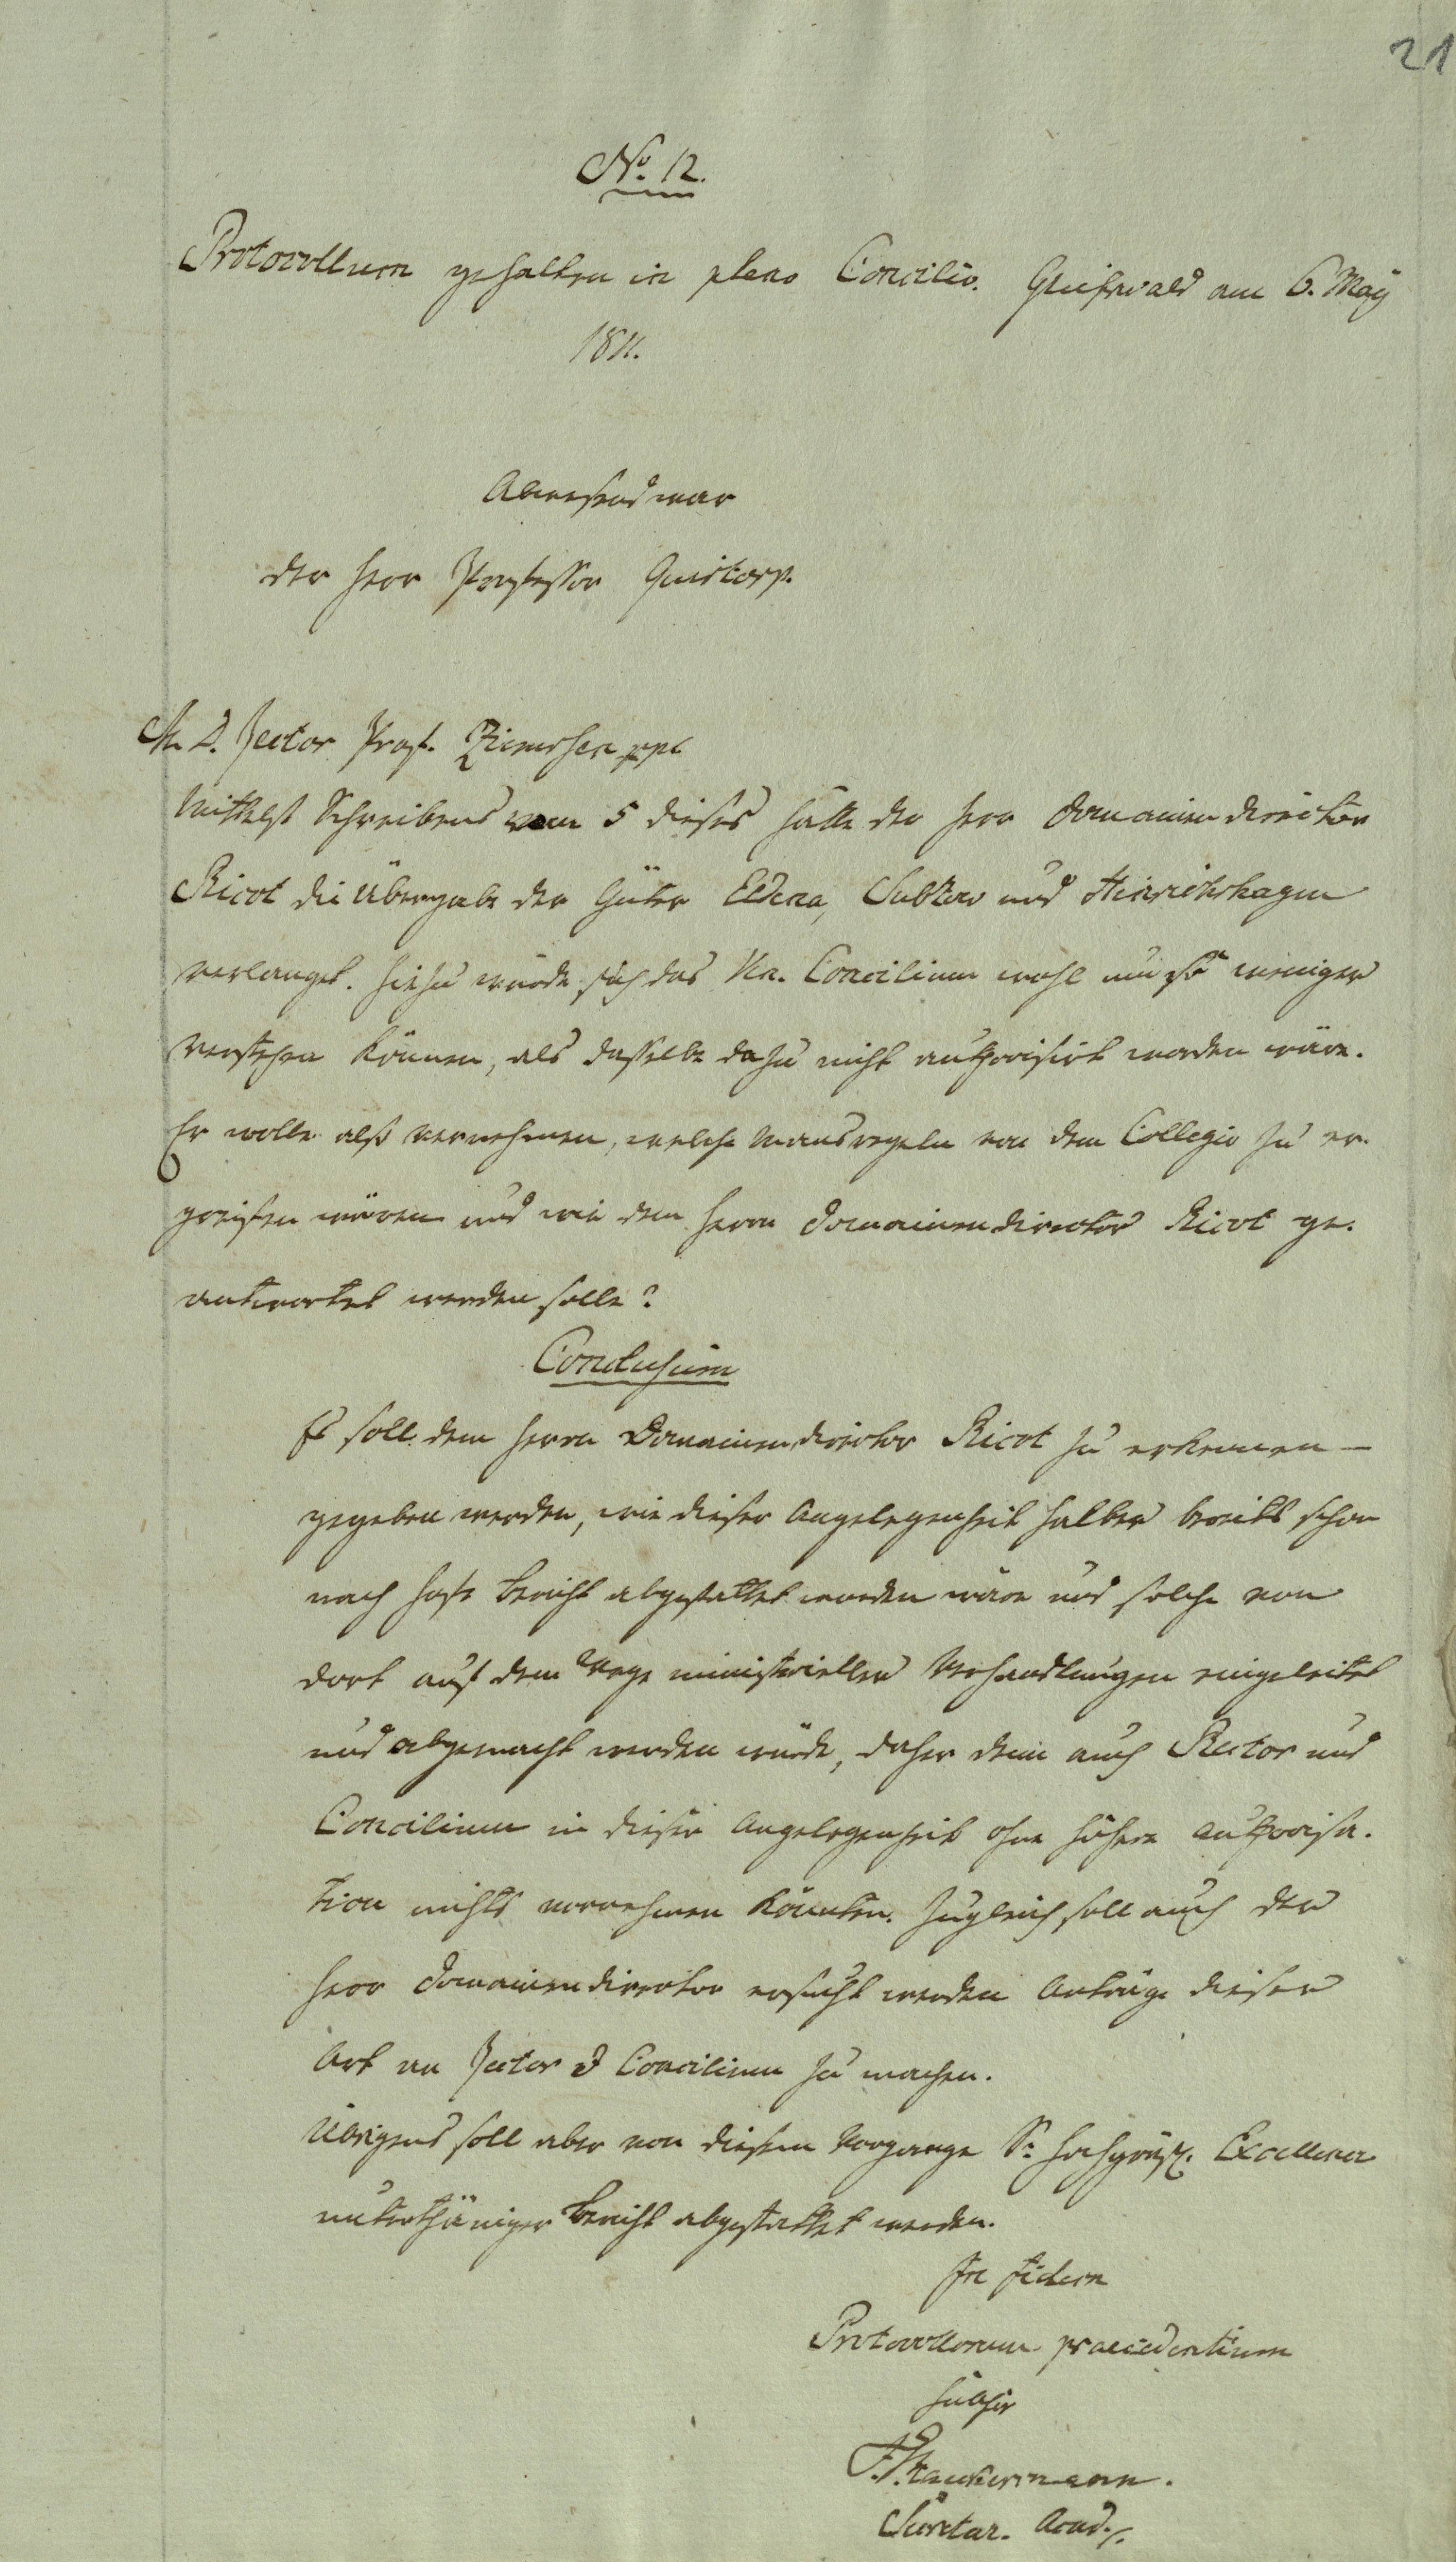Nº 12.
Protocollum gehalten in pleno Concilio. Greifswald am 6. Maÿ
1811.
Abwesend war
der Herr Professor Quistorp.
M. D. Rector Prof. Ziemssen ppt.
Mittelst Schreiben vom 5. dieses hätte der Herr Domainendirector
Ricot die Übergabe der Güter Eldena, Subzow und Hinrichshagen
verlanget. Hiezu würde sich das Ven. Concilium wohl umso weniger
verstehen können, als dasselbe dazu nicht authorisirt worden wäre.
Er wolle also vernehmen, welche Maasregln von dem Collegii zu er¬
greifen wären und wie dem Herrn Domainendirector Ricot ge¬
antwortet werden solle?
Conclusum
Es soll dem Herrn Domainendirector Ricot zu erkennen¬
gegeben werden, wie dieser Angelegenheit halber bereits schon
nach Hofe Bericht abgestattet worden wäre und solche von
dort auf dem Wege ministerieller Verhandlungen eingeleitet
und abgemacht werden würde, daher denn auch Rector und
Concilium in dieser Angelegenheit ohne höhere Authorisa¬
tion nichts vornehmen könnten. Zugleich soll auch der
Herr Domainendirector ersucht werden Anträge dieser
Art an Rector et Concilium zu machen.
Übrigens soll aber von diesem Vorgange Sr. Hochgräfl. Excellence
unterthäniger Bericht abgestattet werden.
In fidem
Protocollorum praecedentium
subsi.
J. Haeckermann
Secretar. Acad.